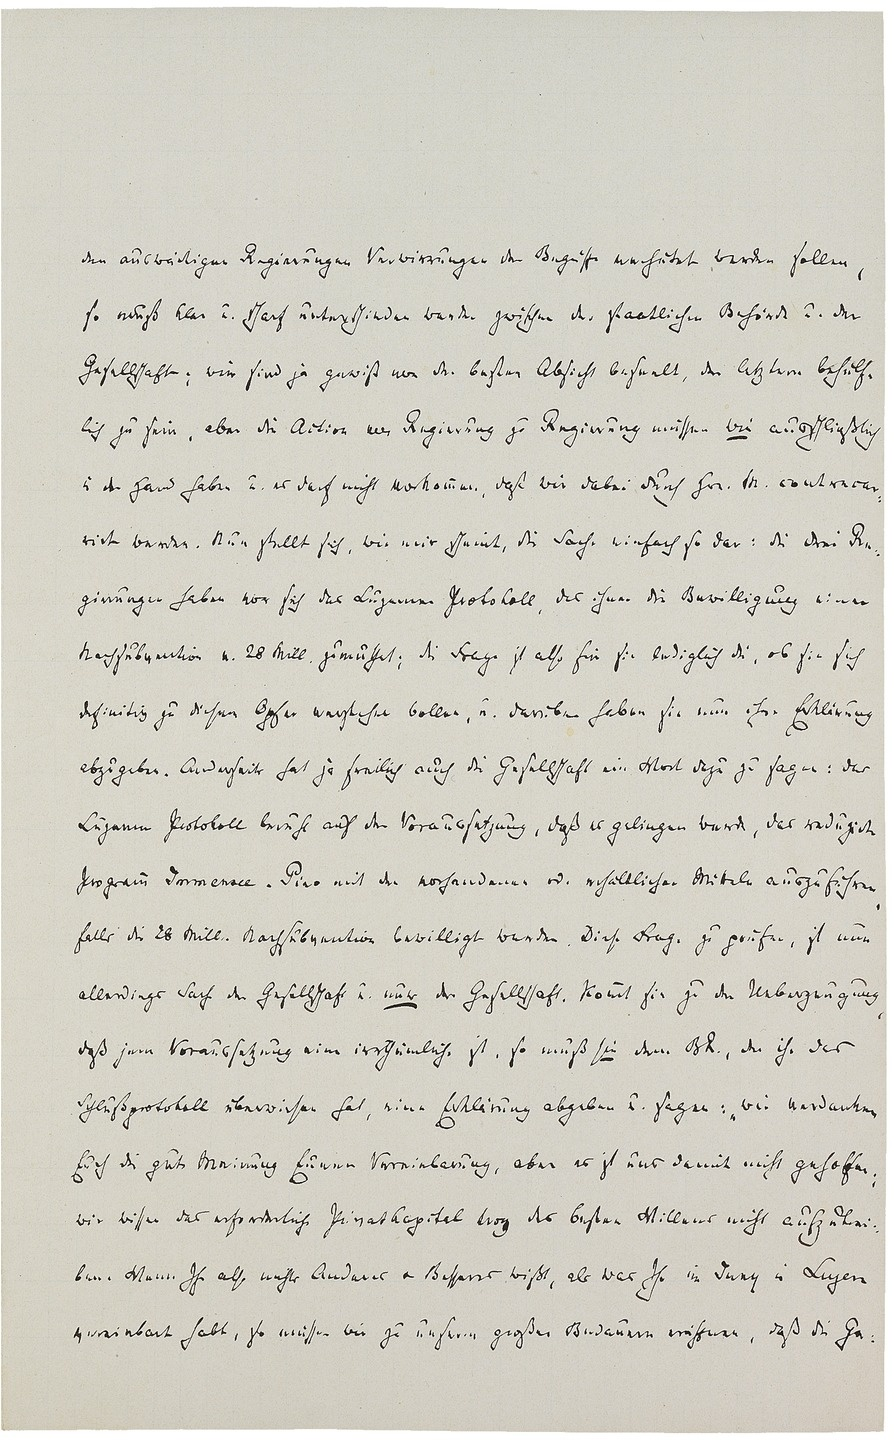den auswärtigen Regierungen Verwirrungen der Begriffe verhütet werden sollen,
so muß klar u. scharf unterschieden werden zwischen der staatlichen Behörde u. der
Gesellschaft; wir sind ja gewiß von der besten Absicht beseelt, der letztern behülf-
lich zu sein, aber die Action von Regierung zu Regierung müssen wir ausschließlich
in der Hand haben u. es darf nicht vorkommen, daß wir dabei durch Hrn. M. contrecar-
rirt werden. Nun stellt sich, wie mir scheint, die Sache einfach so dar: die drei Re-
gierungen haben vor sich das Luzerner Protokoll, das ihnen die Bewilligung einer
Nachsubvention v. 28 Mill. zumuthet; die Frage ist also für sie lediglich die, ob sie sich
definitiv zu diesem Opfer verstehen wollen, u. darüber haben sie nun ihre Erklärung
abzugeben. Anderseits hat ja freilich auch die Gesellschaft ein Wort dazu zu sagen: das
Luzerner Protokoll beruht auf der Voraussetzung, daß es gelingen werde, das reduzirte
Programm Immensee –Pino mit den vorhandenen od. erhältlichen Mitteln auszuführen,
falls die 28. Mill. Nachsubvention bewilligt werden. Diese Frage zu prüfen, ist nun
allerdings Sache der Gesellschaft u. nur der Gesellschaft. Kommt sie zu der Ueberzeugung,
daß jene Voraussetzung eine irrthümliche ist, so muß sie dem BR., der ihr das
Schlußprotokoll überwiesen hat, eine Erklärung abgeben u. sagen: «wir verdanken
Euch die gute Meinung Eurer Vereinbarung, aber es ist uns damit nicht geholfen;
wir wissen das erforderliche Privatkapital troz des besten Willens nicht aufzutrei-
ben. Wenn Ihr also nichts Anderes & Besseres wißt, als was Ihr im Juny in
Luzern
vereinbart habt, so müssen wir zu unserm großen Bedauern eröffnen,
daß die Ge-